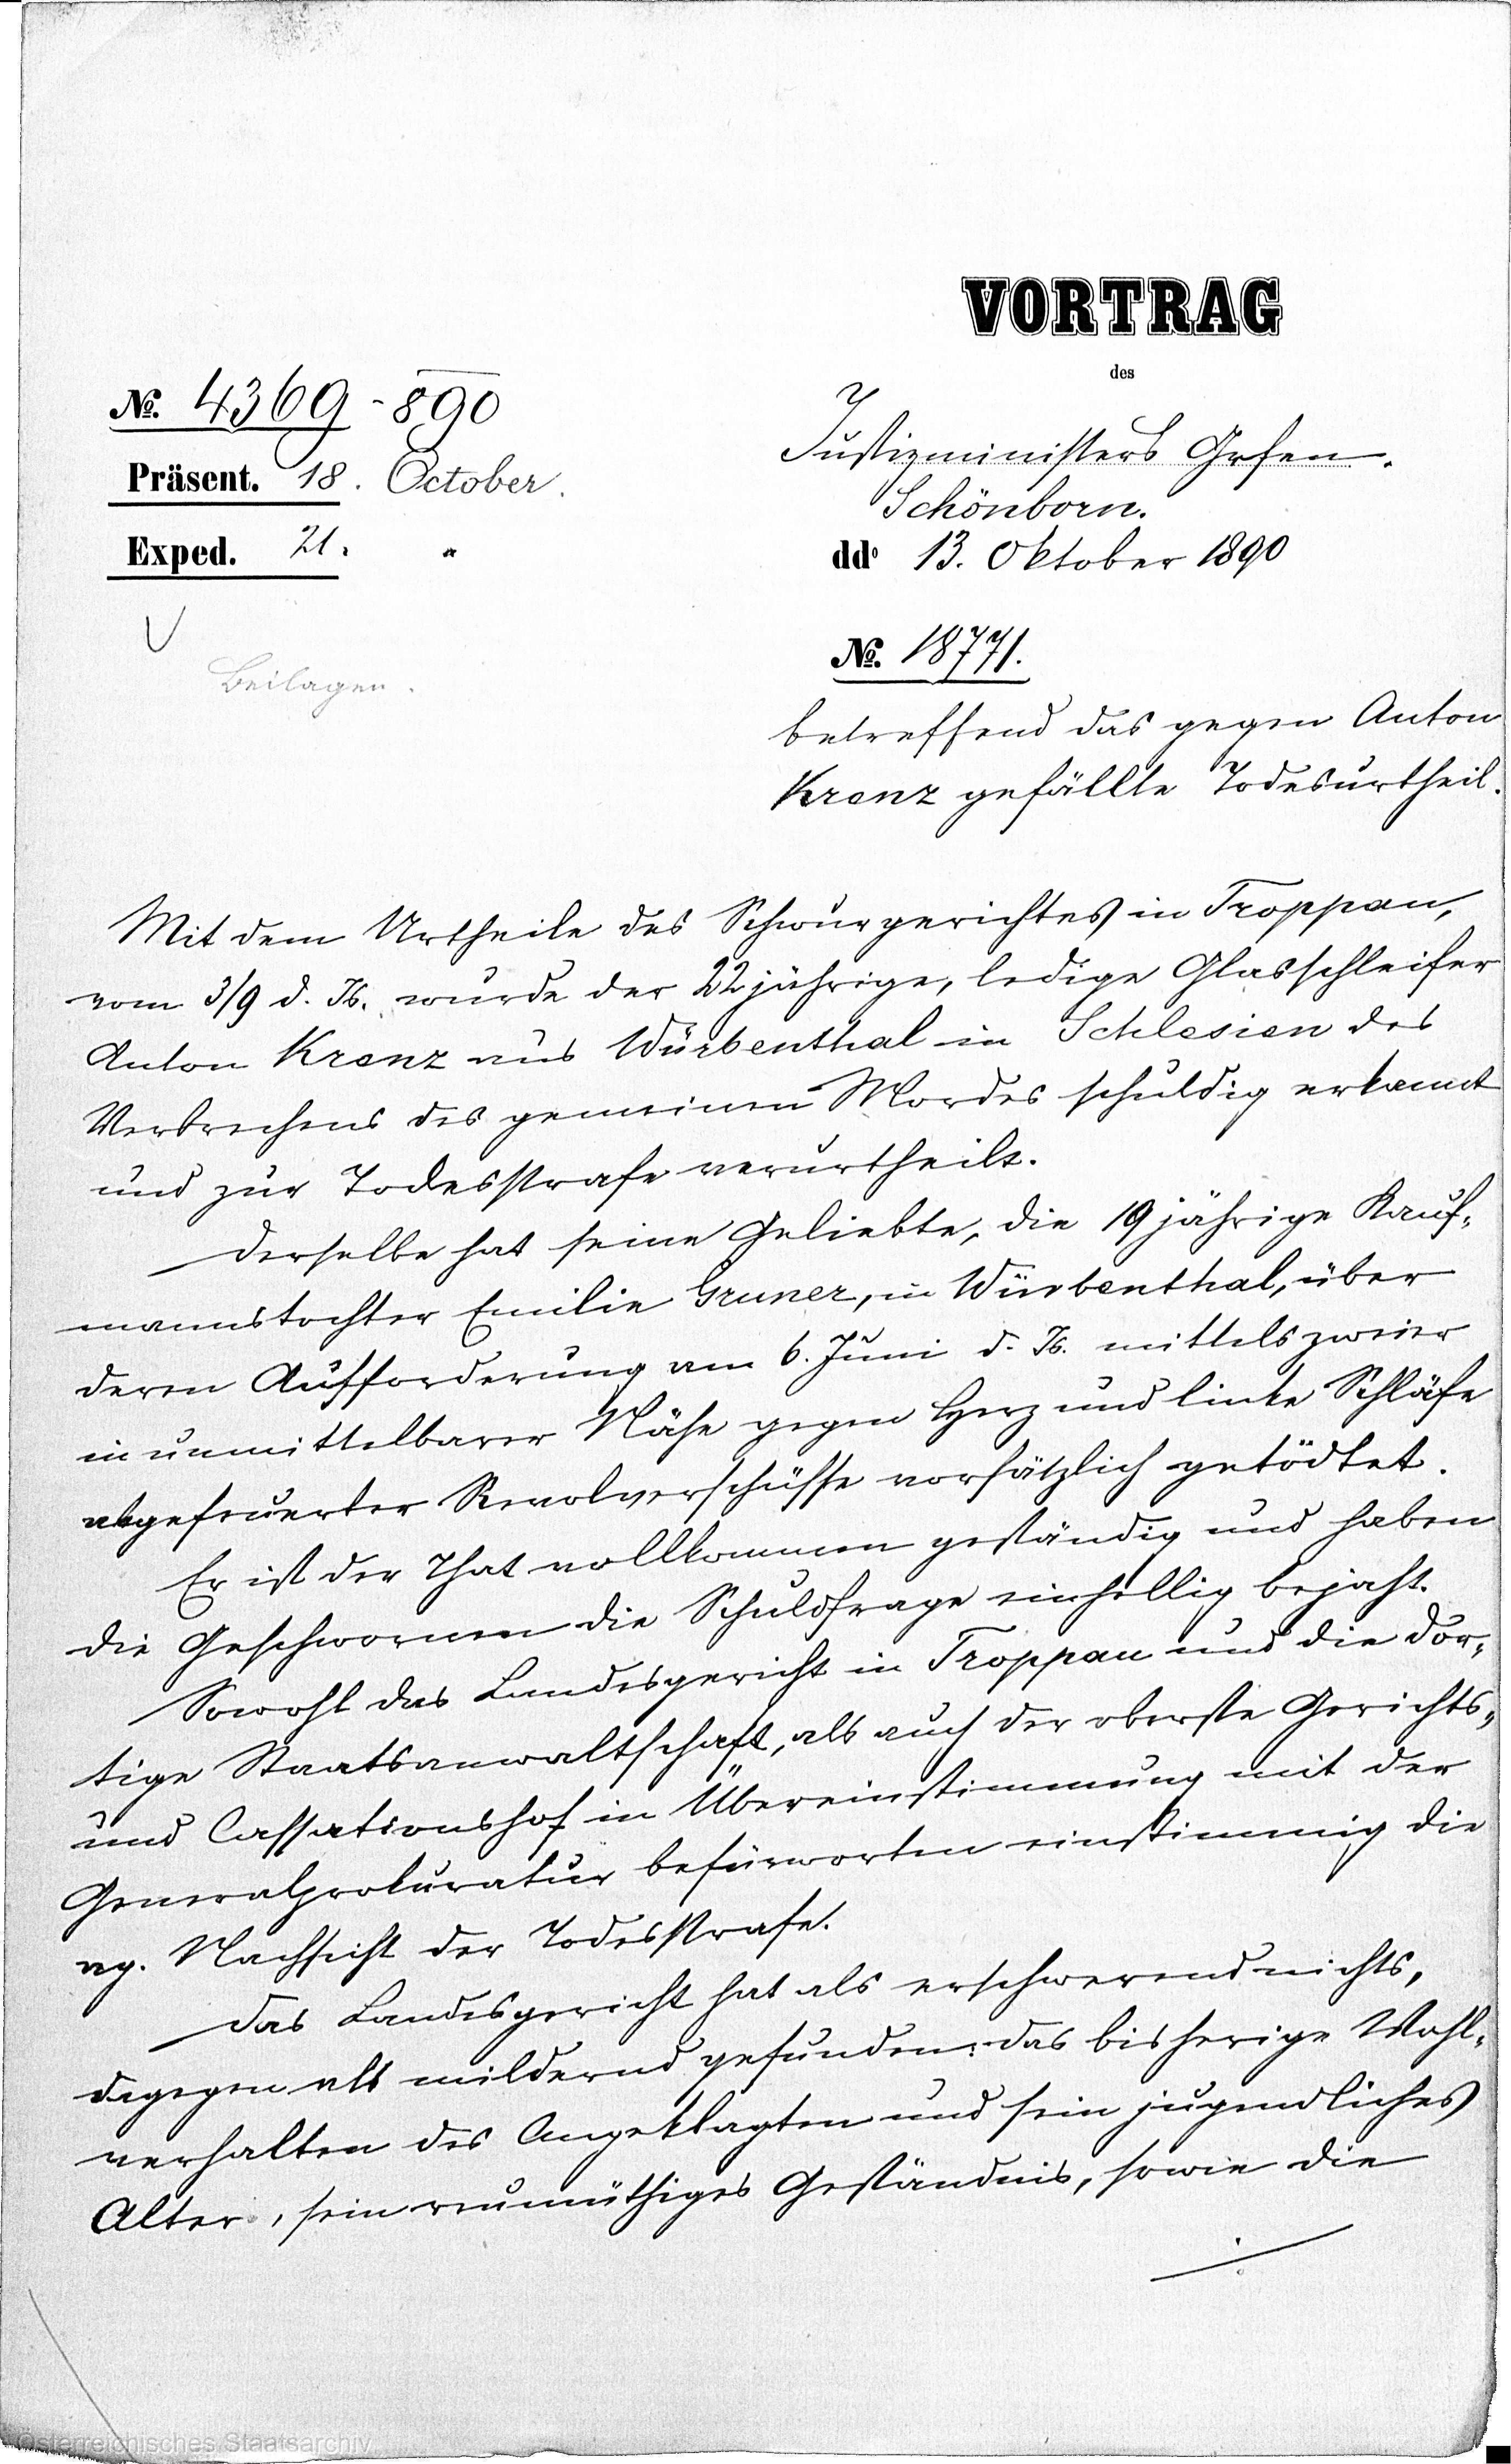No. 4369 - 890
Präsent. 18. October.
Exped. 21. October.
Beilagen.
Vortrag
des
Justizministers Grfen.
Schönborn.
ddo 13. Oktober 1890
No. 18771.
betreffend das gegen Anton
Kranz gefällte Todesurtheil
Mit dem Urtheile des Schwurgerichtes in Troppau,
vom 3/9 d. Is, wurde der 22jährige, ledige Glasschleifer
Anton Kranz aus Würbenthal in Schlesien des
Verbrechens des gemeinen Mordes schuldig erkannt
und zur Todesstrafe verurtheilt.
Derselbe hat seine Geliebte, die 19 jährige Kauf¬
mannstochter Emilie Gruner, in Würbenthal, über
deren Aufforderung am 6. Juni d. Is. mittels zweier
in unmittelbarer Nähe gegen Herz und linke Schläfe
abgefeuerter Revolverschüsse vorsätzlich getödtet.
Er ist der That vollkommen geständig und haben
die Geschwornen die Schuldfrage einhellig bejaht.
Sowohl das Landesgericht in Troppau und die dor¬
tige Staatsanwaltschaft, als auch der oberste Gerichts¬
und Cassationshof in Übereinstimmung mit der
Generalprokuratur befürworten einstimmig die
xx Nachsicht der Todesstrafe.
Das Landesgericht hat als erschwerend nichts,
dagegen als mildernd gefunden das bis herige Wahl¬
verhalten des Angeklagten und sein jugendliches
Alter, sein reumüthiges Geständnis, sowie die